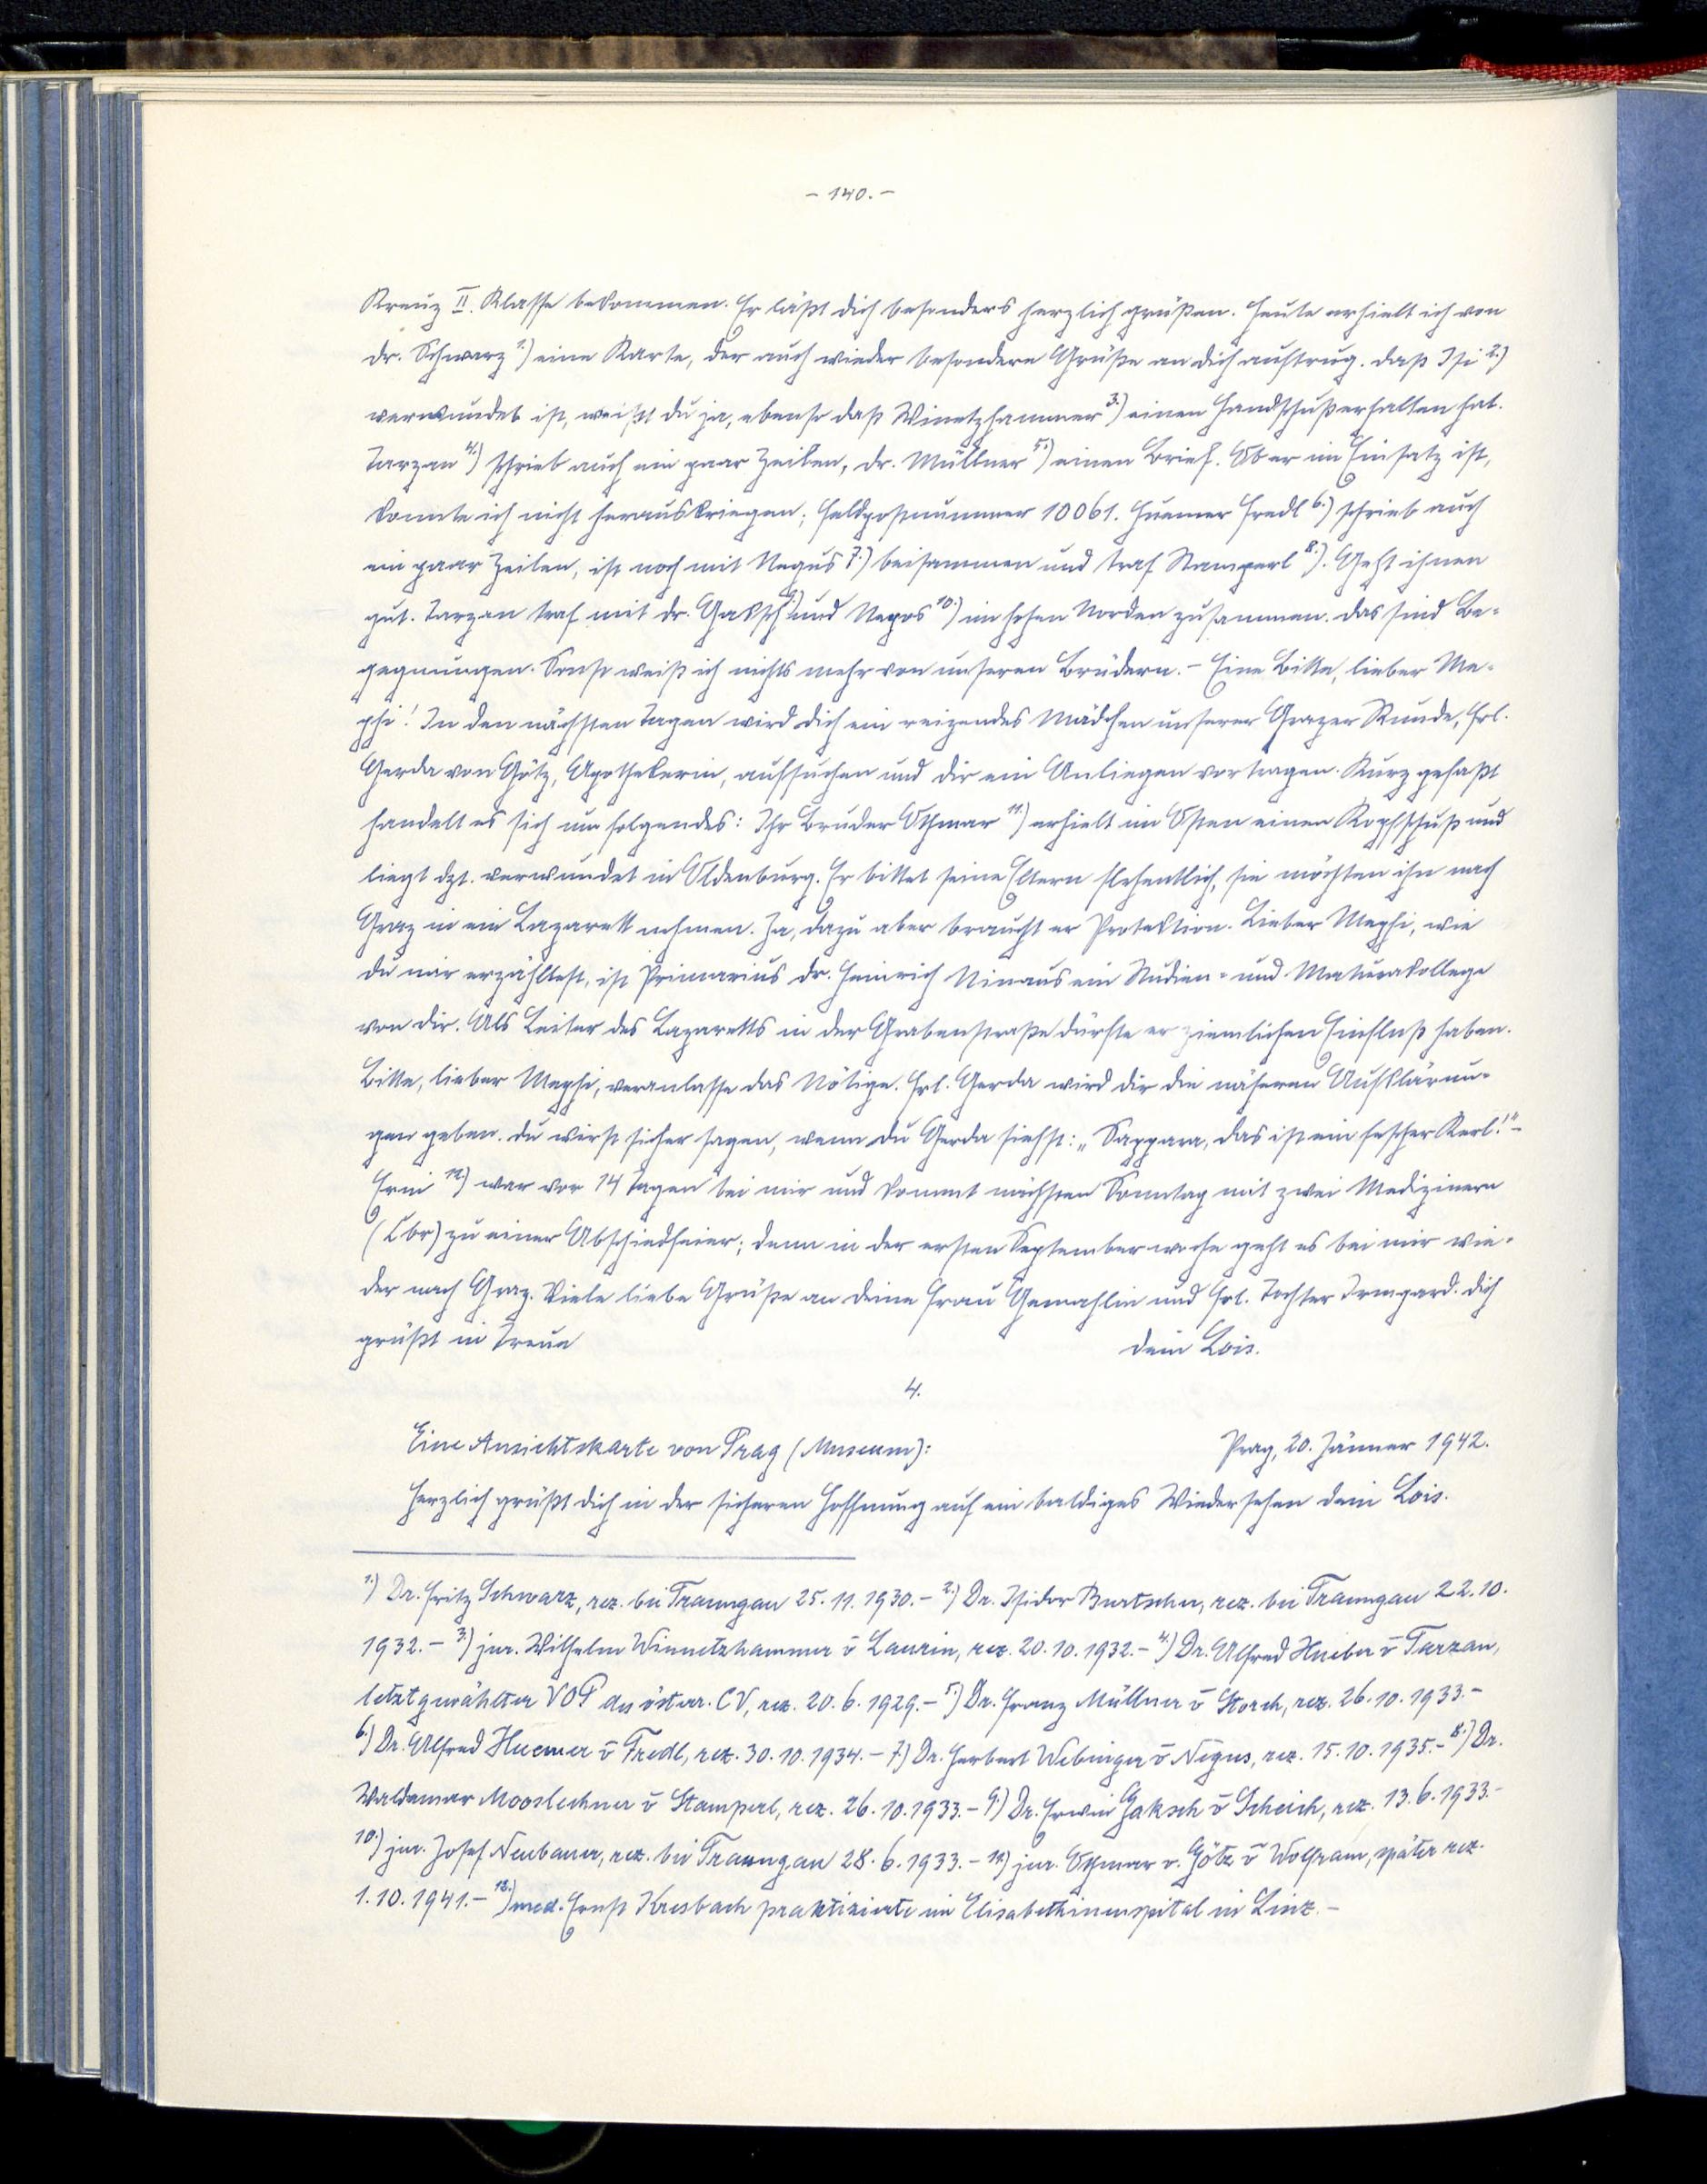140.
Kreuz II. Klasse bekommen. Er lässt dich besonders herzlich grüßen. Heute erhielt ich von
Dr. Schwarz 1) eine Karte, der auch wieder besondere Grüße an dich auftrug. Daß Isi 2)
verwundet ist, weiß du ja, ebenso daß Winetzhammer 3) einen Handschußerhalten hat.
Tarzan 4) schrieb auch ein paar Zeilen, Dr. Müller 5) einen Brief. Ober im Einsatz ist,
konnte ich nicht herauskriegen, Feldpostumnmer 10061. Huemer Ferdl 6) schrieb auch
ein paar Zeilen, ist noch mit Negus 7) beisammen und traf Stanperl 8). Geht ihnen
gut. Tarzen traf mit Dr. Gassl und Negus 9) im schönen Norden zusammen. Das sind Be-
gegnungen. Sonst weiß ich nichts mehr von unseren Brüdern. Eine Bitte, lieber Me-
phi! In den nächster Tagen wird dich ein reizendes Mädchen unserer Grazer Runde, Frl.
Gerda von Götz, Apothekerin, aufsuchen und dir ein Anlingen vortragen. Kurz gefaßt
handelt es sich um folgendes: Ihr Bruder Othmar 11) erhielt im OSten einen Kopfschuß und
liegt dzt. verwundet in O,denburg. Er bitte seine Eltern flehentlich, sie möchte ihn nach
Graz in ein Lazarett nehmen. Ja, dazu aber brauchte er Protektion. Lieber Mephi, wie
die mir erzähltest, ist Primarius Dr. Heinrich Ninaus ein Studien- und. Maturakollege
von dir. Als Leiter des Lazaretts in der Grabenstraße dürfte er ziemlichen Einfluß haben.
Bitte, lieber Mephi, veranlasse das Nötige. Frl. Gerda wird dir die nähern Aufklärun-
gen geben. Du wirst sicher sagen, wenn du Gerda siehst: „Sappara,. das ist ein fescher Kerl!"
Erni war vor 14 Tagen bei mir und kommt nächsten Sonntag mit zwei Medizinerm
(CVer) zu einer Abschiedfeier; denn in der ersten Septemberwoch geht es bei mir wie-
der nach Graz. Viele liebe Grüße an deine Frau Gemahlin und Frl Tochter Irngard dich
grüßt in Treue
Dein Lois
f4
Prag, 20. Jänner 1942
Eine Ansichtskarte von Prag (Museum)
Herzlich grüßt dich in der sicheren Hoffnung auf ein baldiges Wiedersehen dein Lois.
1) Dr. Fritz Schwarz, rez. bei Traungau 25. 11. 1930. - 2) Dr. Isidor Burtschen, rez. bei Traungau 22. 10.
1932.- 3) iur. Wilhelm Weinetzhammer v/o Laurin, rez. 20. 10. 1932. - 4) Dr. Alfred Huber v/o Tarzan,
letztgewählter österr. VOP des österr. CV, rez. 20. 6. 1929.- 5) Dr. Franz Müller v/o Storch, rez. 26.10. 1933.-
6) Dr. Alfred Hauser v/o Triendl, rez. 30. 10. 1934.- ) Dr. Herbst Webinger v/o Negus, rez. 15. 10. 1930. 8)
Waldemar Mooslechner v/o Stampal, rez. 26. 10.1933. - P) Dr. Erwin Haksc hv/o Scheich, rez. 13. 6. 1933
10) iur Josef Neubauer, rez. bei Braunau 28. 6. 1933. - 11) iur. Othmar Götz v/o Wolfram, später rez,
1. 10. 1941. - 12)med. Ernst Kresbach praktizierte im Elisabetinenspital in Linz.